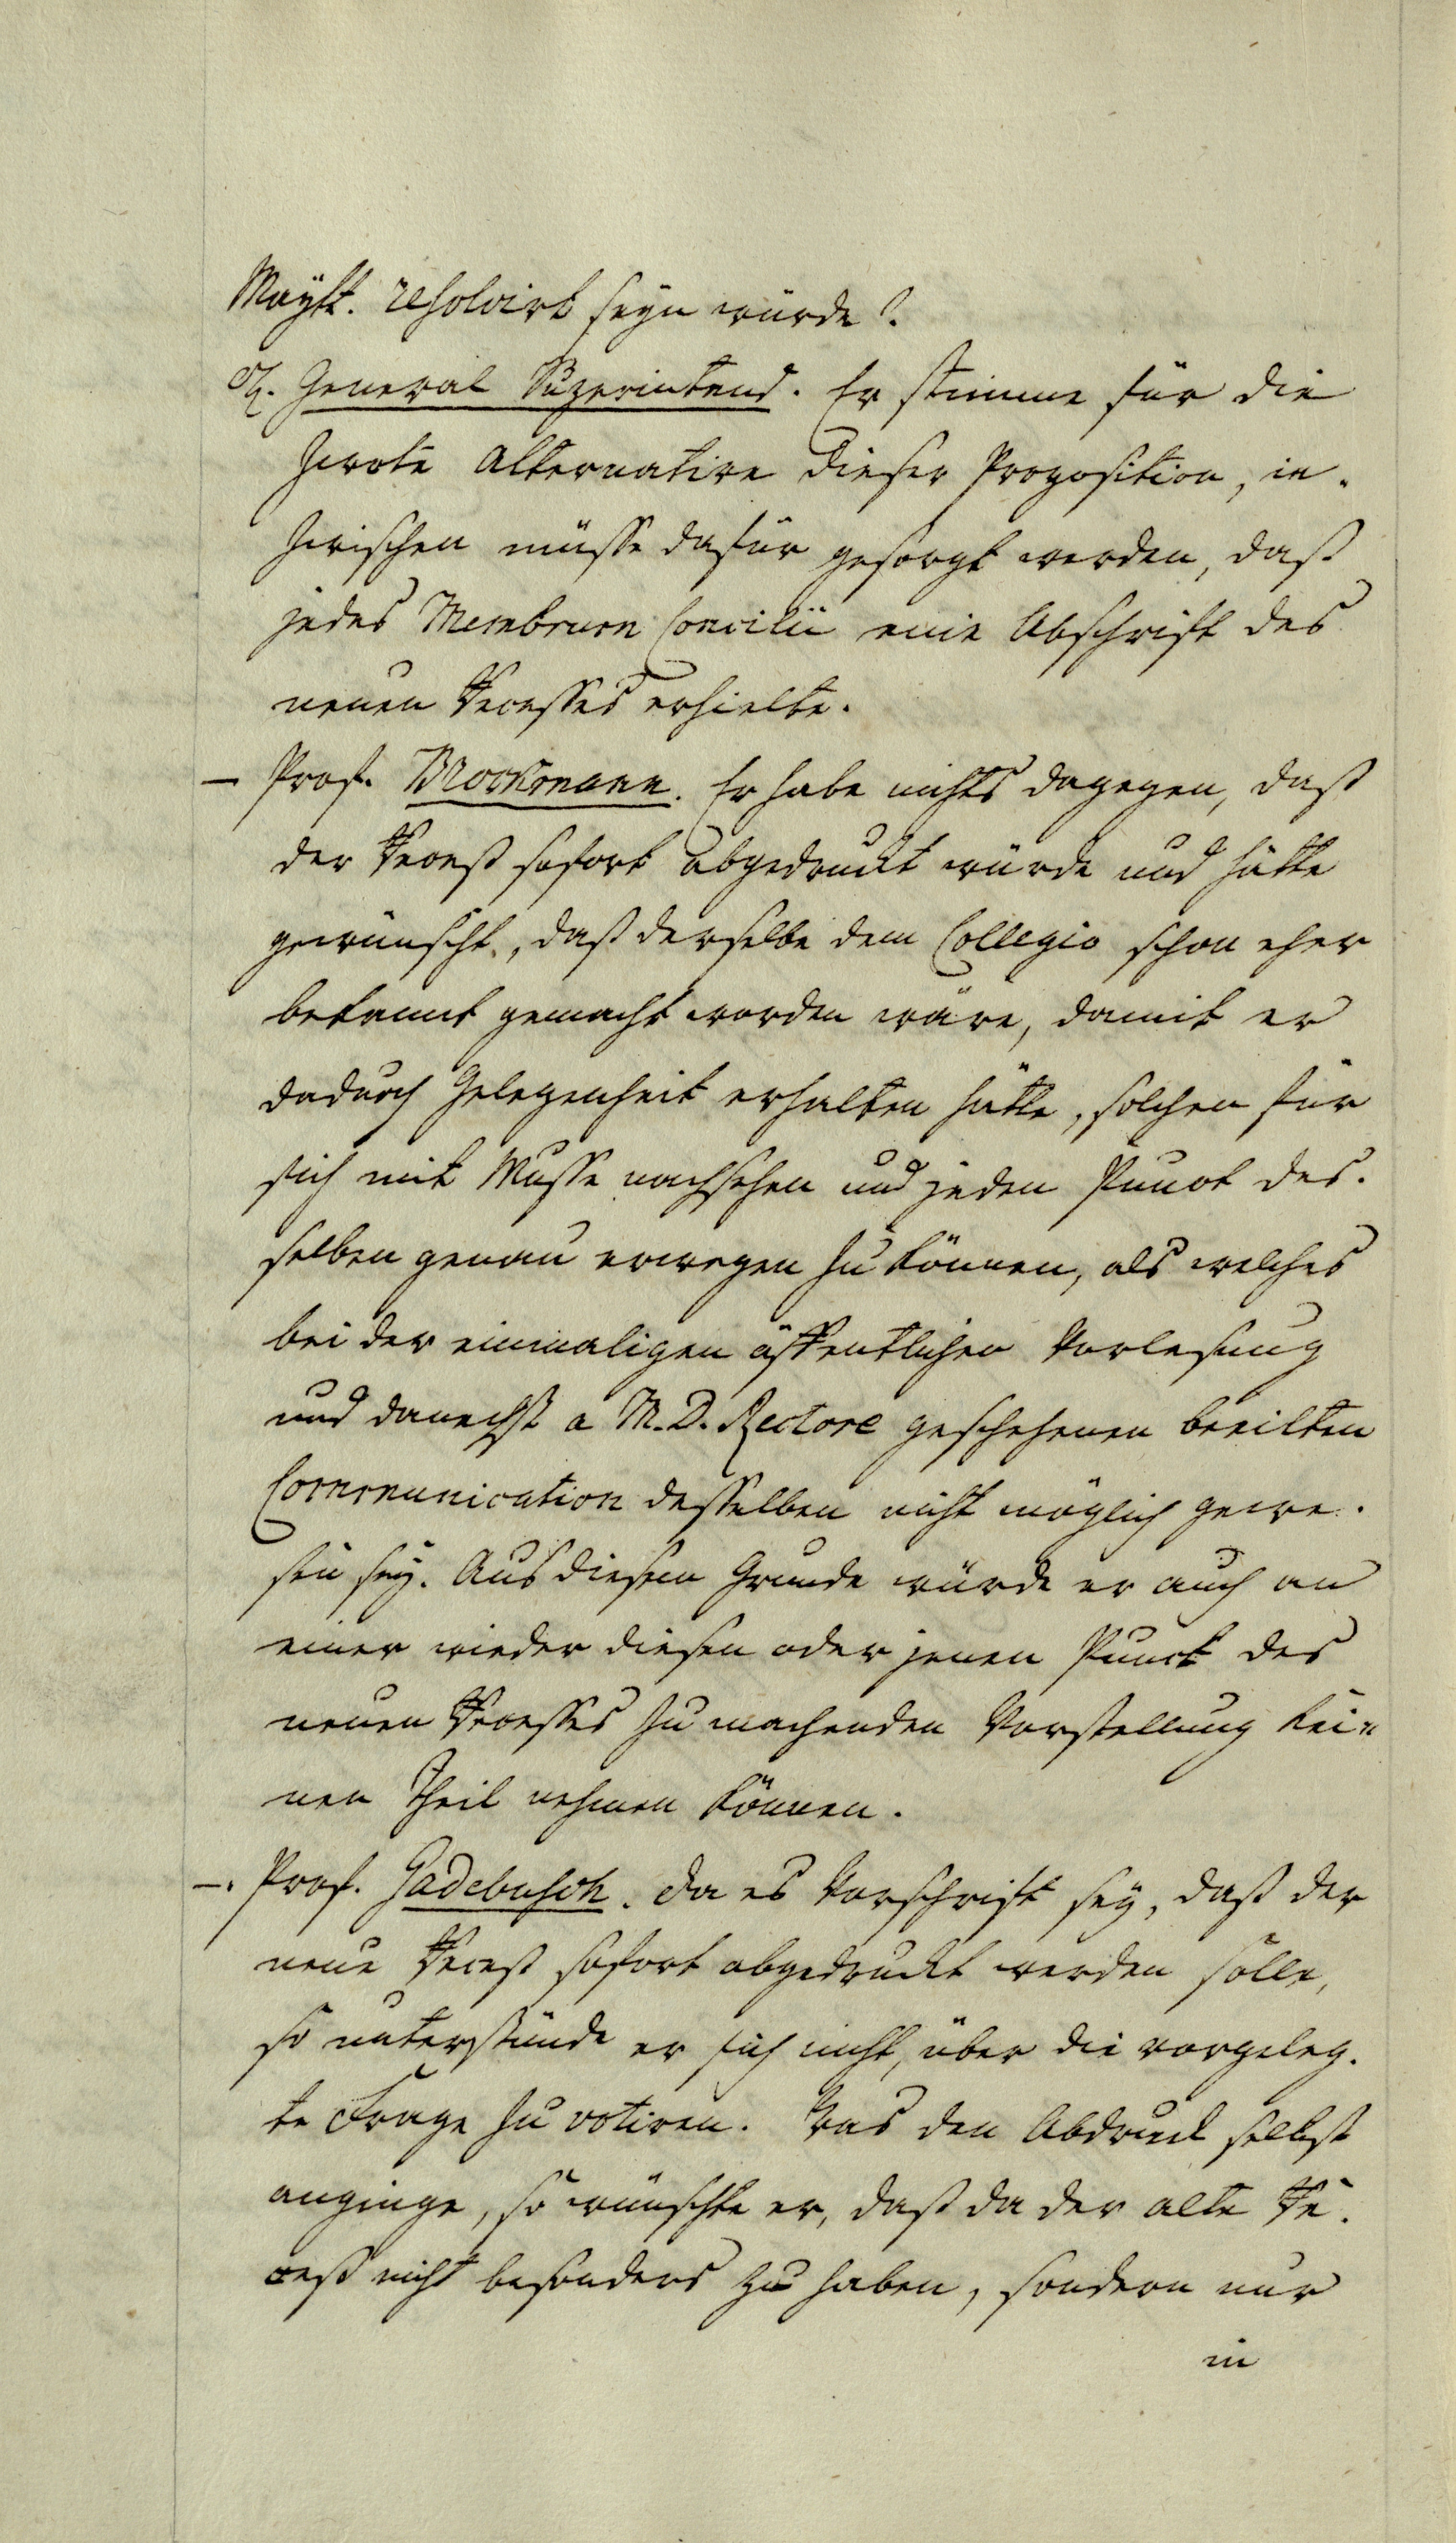Maÿst. resolvirt seÿn würde?
dh. General Superintend. Er stimme für die
zwote Aternative dieser Proposition, in¬
zwischen müsse dafür gesorgt werden, daß
jedes Membrum Concilii eine Abschrift des
neuen Recesses erhielte.
Prof. Brockmann. Er habe nichts dagegen, daß
der Receß sofort abgedruckt würde und hätte
gewünscht, daß derselbe dem Collegio schon eher
bekannt gemacht worden wäre, damit er
dadurch Gelegenheit erhalten hätte, solchen für
sich mit Musse nachsehen und jeden Punct des¬
selben genau erwegen zu können, als welches
bei der einmaligen öffentlichen Vorlesung
und danechst a M. D. Rectore geschehenen beeilten
Communication desselben nicht möglich gewe¬
sen seÿ. Aus diesem Grunde würde er auch an
einer wieder diesen oder jenen Punct des
neuen Recesses zu machenden Vorstellung kei¬
nen Theil nehmen können.
Prof. Gadebusch. Da es Vorschrift seÿ, daß der
neue Receß sofort abgedruckt werden solle,
so unterstünde er sich nicht, über die vorgeleg¬
te Frage zu votiren. Was den Abdruck selbst
anginge, so wünschte er, daß da der alte Re¬
ceß nicht besonders zu haben, sondern nur
in